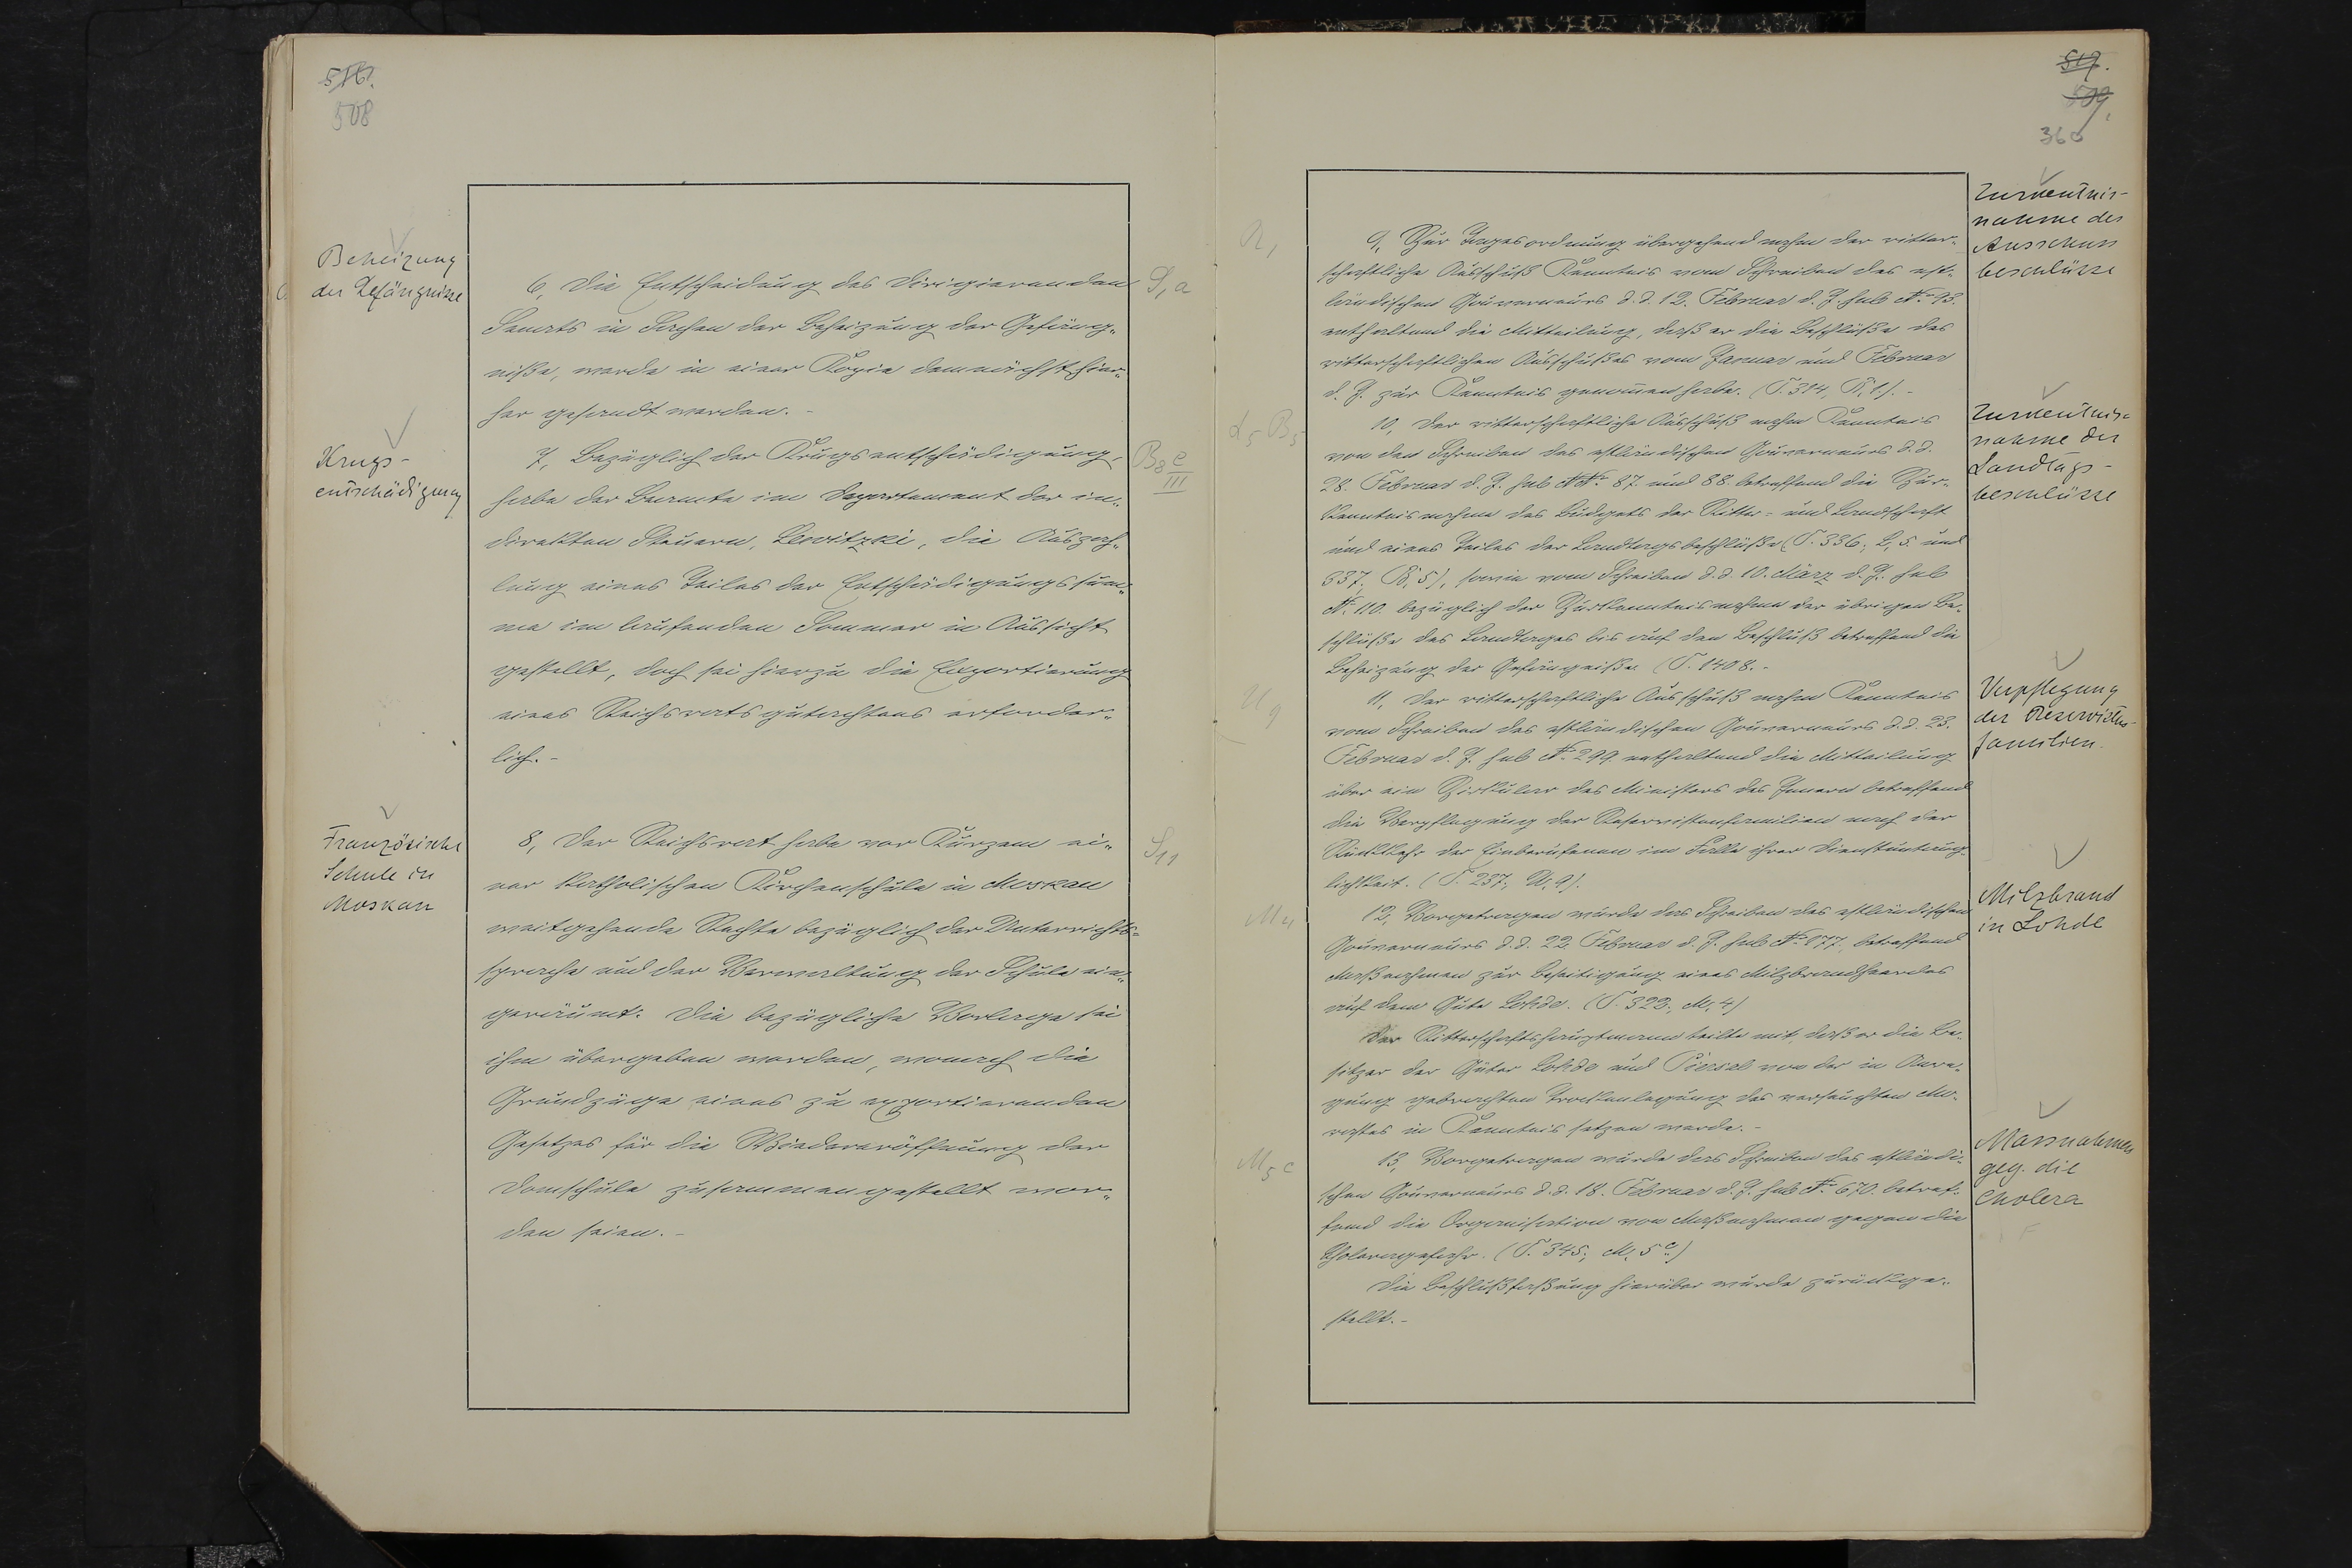Beheizung
der Gefängnisse
Krugs
entschädigung
Französische
Schule in
Moskau
6. Die Entscheidung des Dirigierenden
Senats in Sachen der Beheizung der Gefäng-
niße, werde in einer Kopie demnächst hier-
her gesandt werden.
7. Bezüglich der Krugsentschädigung
habe der Beamte im Departement der in-
direkten Steuern, Lewitzki, die Auszah-
lung eines Teiles der Entschädigungssum-
me im laufenden Sommer in Aussicht
gestellt, doch sei hierzu die Exportierung
eines Reichsratsgutachtens erforder-
lich.
8. Der Reichsrat habe vor Kurzem ei-
ner katholischen Kirchenschule in Moskau
weitgehende Rechte bezüglich der Unterrichts-
sprache und der Verwaltung der Schule ein-
geräumt. Die bezügliche Vorlage sei
ihm übergeben worden, worauf die
Grundzüge eines zu exportierenden
Gesetzes für die Wiedereröffnung der
Domschule zusammengestellt wor-
den seien.
9. Zur Tagesordnung übergehend nahm der ritter-
schaftliche Ausschuß Kenntnis vom Schreiben des est-
ländischen Gouverneurs d.d. 12. Februar d.J. sub No. 93.
enthaltend die Mitteilung, daß er die Beschlüße des
ritterschaftlichen Ausschußes vom Januar und Februar
d.J. zur Kenntnis genommen habe. (T.314, R.1).
10. Der ritterschaftliche Ausschuß nahm Kenntnis
von dem Schreiben des estländischen Gouverneurs d.d.
28. Februar d.J. sub NNo. 87. und 88. betreffend die Zur-
kenntnisnahme des Budgets der Ritter- und Landschaft
und eines Teils der Landtagsbeschlüße (T.336; L.5 und
337. B.5), sowie vom Schreiben d.d. 10. März d.J. sub
No. 110 bezüglich der Zurkenntnisnahme der übrigen Be-
schlüße des Landtages bis auf den Beschluß betreffend die
Beheizung der Gefängniße (T.1408.
11. Der ritterschaftliche Ausschuß nahm Kenntnis
vom Schreiben des estländischen Gouverneurs d.d. 23.
Februar d.J. sub No. 299, enthaltend die Mitteilung
über ein Zirkular des Ministers des Innern betreffend
die Verpflegung der Reservistenfamilien nach der
Rückkehr des Einberufenen im Falle der Dienstuntaug-
lichkeit. (T.237; U.9).
12. Vorgetragen wurde das Schreiben des estländischen
Gouverneurs d.d. 22. Februar d.J. sub No. 177, betreffend
Maßnahmen zur Beseitigung eines Milzbrandherdes
auf dem Gute Lohde. (T.322; M.4)
Der Ritterschaftshauptmann teilte mit, daß er die Be-
sitzer der Güter Lohde und Piersal von der in Anre-
gung gebrachten Trockenlegung des verseuchten Mo-
rastes in Kenntnis setzen werde.
13. Vorgetragen wurde das Schreiben des estländi-
schen Gouverneurs d.d. 18. Februar d.J. sub No. 670 betref-
fend die Organisation von Maßnahmen gegen die
Choleragefahr. (T.345; M.5c)
Die Beschlußfaßung hierüber wurde zurückge-
stellt. -
Zurkentnis-
nahme der
Ausschuss
beschlüsse
Zurkentnis
nahme der
landtags
beschlüsse
Verpflegung
der Reservisten
familien
Milzbrand
in Lohde
Massnahmen
geg. die
Cholera